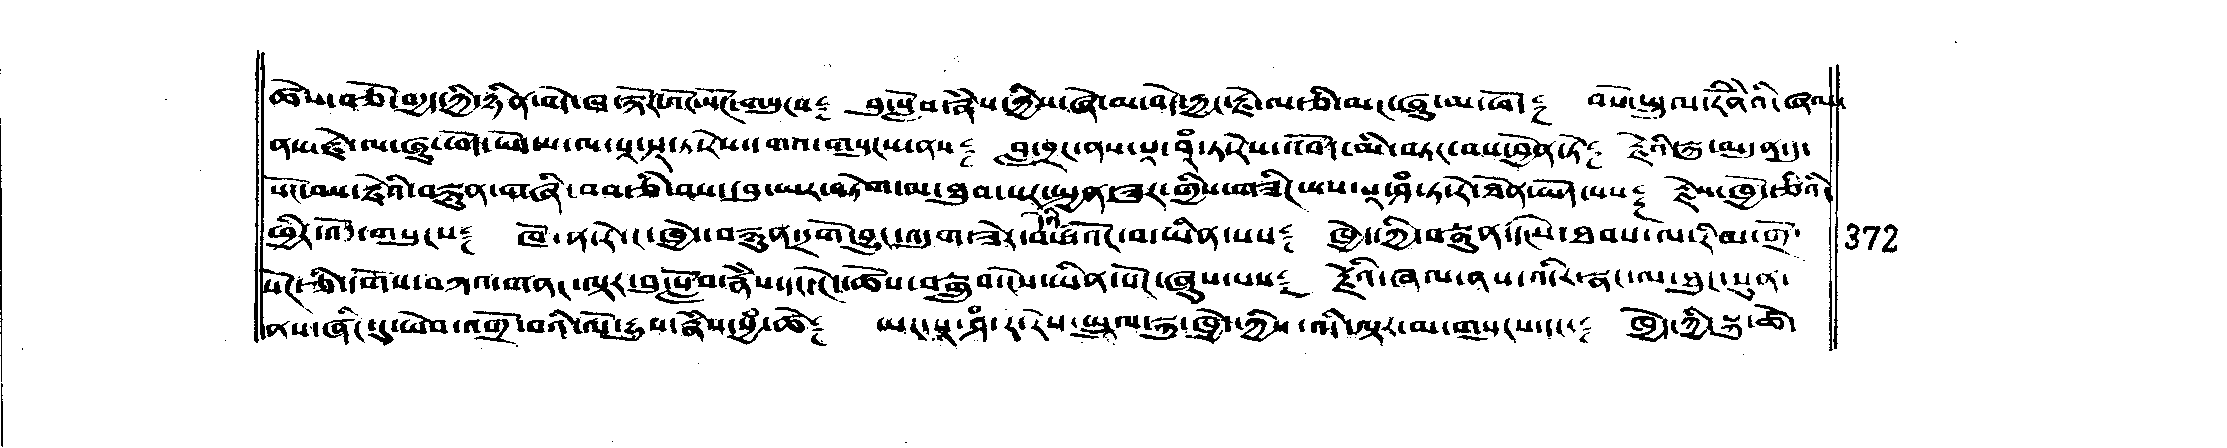ཚེས་བཅོ་བརྒྱད་ཀྱི་ཉིན་བདེ་ཁ་སྐོར་འོང་སོགས་གསུངས། བུ་སློབ་རྣམས་ཀྱིས་ཞེ་མ་བདེ་ཀྱང་རྗེ་ལ་ཅི་ཡང་ཞུ་མ་ཕོད། བསོ་སྤྲུལ་རིན་པོ་ཆེའི་ཞལ་
ནས་རྗེ་ལ་ཞུ་ཕོད་ཡོད་པ་ལ་པཱ་ཤཱཾ་ཏ་རེས་དགའ་གསུངས་ནས། བླ་བྲང་ནས་པཱ་ཤཱཾ་ཏ་རེས་འབོད་མི་བཏང་བས་བྱོན་ཏེ། རྗེའི་སྐུ་མདུན་དུ་
སོང་བས་རྗེའི་བསྙུན་གཞི་བབ་ཅི་༼ལྕི་?༽བས་དབུ་ཡར་བཏེགས་མ་ཐུབ་པར་སྤྱན་ཟུར་གྱིས་གཟིགས་པས་པཱ་ཤཱཾ་ཏ་རེ་ཐོན་ཡོད་པས། རྗེས་ཁྱེད་ཅིའི་
ཕྱིར་འོང་གསུངས། ཁོ་ན་རེ་ང་ཁྱོད་བསྙུན་དྲག་པོ་བྱུང་འདུག་ཟེར་བས་དེའི་འོང་བ་ཡིན་པས། ཁྱེད་ཀྱི་བསྙུན་དེངས་ཐབས་ལ་རིམ་གྲོ་
སོགས་ཅི་དགོས་བཀའ་གནང་ལྟར་བུ་སློབ་རྣམས་དང་ངེད་ཚོས་བསྒྲུབ་ངེས་ཡིན་སོགས་ཞུས་པས། རྗེའི་ཞལ་ནས་འདིར་སྣང་ལ་ཐུགས་སུན་
ནས་ཞིང་དུ་ཕེབས་འགྲོ་བའི་ལོ་རྒྱུས་རྣམས་གསུང་ཚེ། ཡང་པཱ་ཤཱཾ་ར་རེས་སྤྲུལ་སྐུ་ཁྱེད་ཀྱིས་འདི་ལྟར་མ་གསུངས་དང་། ཁྱོད་ཀྱི་སྐུ་ཚེ་